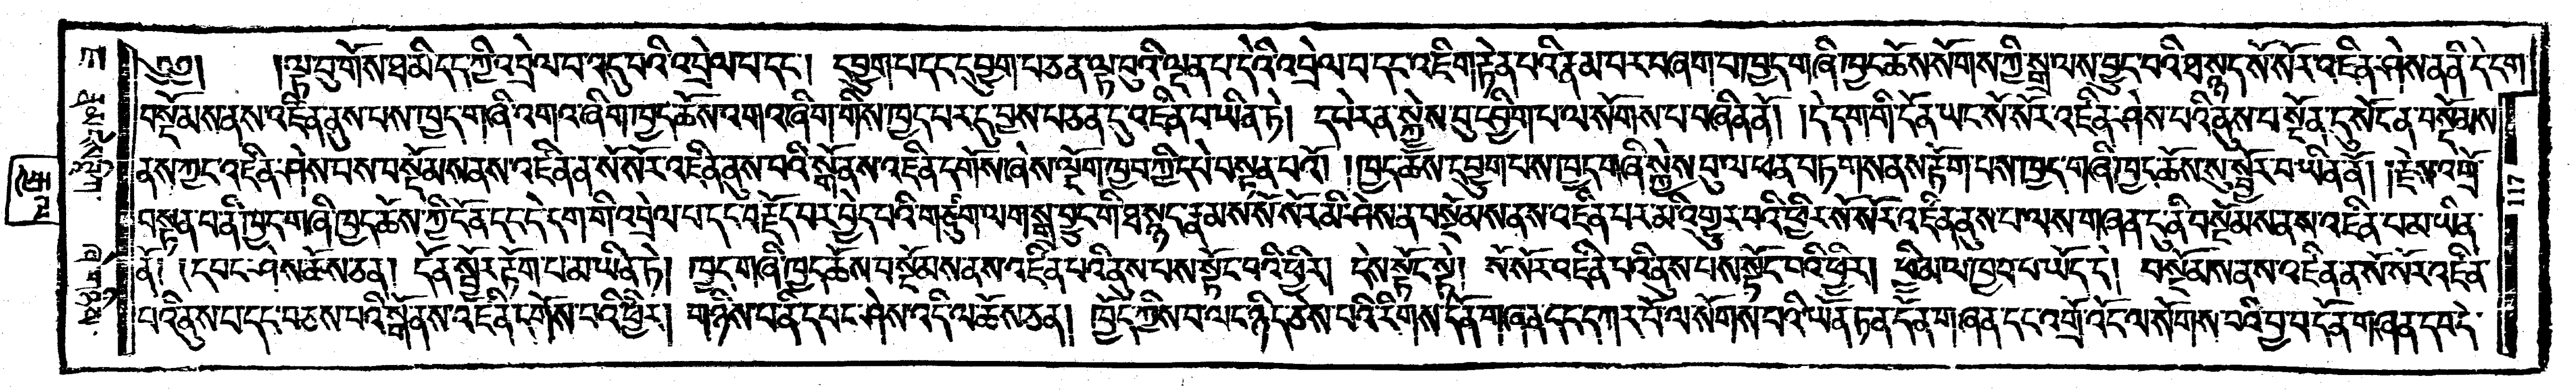༄༅། །ལྟ་བུ་གོས་ཐ་མི་དད་ཀྱི་འབྲེལ་པ་འདུ་བའི་འབྲེལ་པ་དང་། དབྱུག་པ་དང་དབྱུག་པ་ཅན་ལྟ་བུའི་ལྡན་པ་དེའི་འབྲེལ་པ་དང་འཇིག་རྟེན་པའི་རྣམ་པར་བཞག་པ་ཁྱད་གཞི་ཁྱད་ཆོས་སོགས་ཀྱི་སྒྲ་ལས་བྱུང་བའི་ཐ་སྙད་སོ་སོར་འཛིན་ཤེས་ན་ནི་དེ་དག་
བསྡོམས་ནས་འཛིན་ནུས་པས་ཁྱད་གཞི་འགའ་ཞིག་ཁྱད་ཆོས་འགའ་ཞིག་གིས་ཁྱད་པར་དུ་བྱས་པ་ཅན་དུ་འཛིན་པ་ཡིན་ཏེ། དཔེར་ན་སྐྱེས་བུ་དབྱིག་པ་ལ་སོགས་པ་བཞིན་ནོ། །དེ་དག་གི་དོན་ཡང་སོ་སོར་འཛིན་ཤེས་པའི་ནུས་པ་སྔོན་དུ་སོང་ན་བསྡོམས་
ནས་ཀྱང་འཛིན་ཤེས་པས་བསྡོམས་ནས་འཛིན་ན་སོ་སོར་འཛིན་ནུས་པའི་སྒོ་ནས་འཛིན་དགོས་ཞེས་ལྡོག་ཁྱབ་ཀྱི་དཔེ་བསྟན་པའོ། །ཁྱད་ཆོས་དབྱུག་པས་ཁྱད་གཞི་སྐྱེས་བུ་ལ་ཕན་བཏགས་ནས་རྟོག་པས་ཁྱད་གཞི་ཁྱད་ཆོས་སུ་སྦྱོར་བ་ཡིན་ནོ། །རྗེས་འགྲོ་
བསྟན་པ་ནི་ཁྱད་གཞི་ཁྱད་ཆོས་ཀྱི་དོན་དང་དེ་དག་གི་འབྲེལ་པ་དང་བརྗོད་པར་བྱེད་པའི་གཙུག་ལག་སྒྲ་བྱུང་གི་ཐ་སྙད་རྣམས་སོ་སོར་མི་ཤེས་ན་བསྡོམས་ནས་འཛིན་པར་མི་འགྱུར་བའི་ཕྱིར་སོ་སོར་འཛིན་ནུས་པ་ལས་གཞན་དུ་ནི་བསྡོམས་ནས་འཛིན་པ་མ་ཡིན་
ནོ། །དབང་ཤེས་ཆོས་ཅན། དོན་སྦྱོར་རྟོག་པ་མ་ཡིན་ཏེ། ཁྱད་གཞི་ཁྱད་ཆོས་བསྡོམས་ནས་འཛིན་པའི་ནུས་པས་སྟོང་བའི་ཕྱིར། དེས་སྟོང་སྟེ། སོ་སོར་འཛིན་པའི་ནུས་པས་སྟོང་པའི་ཕྱིར། ཕྱི་མ་ལ་ཁྱབ་པ་ཡོད་དེ། བསྡོམས་ནས་འཛིན་ན་སོ་སོར་འཛིན་
པའི་ནུས་པ་དང་བཅས་པའི་སྒོ་ནས་འཛིན་དགོས་པའི་ཕྱིར། གཉིས་པ་ནི་དབང་ཤེས་འདི་ལ་ཆོས་ཅན། ཁྱོད་ཀྱིས་བ་ལང་ཉིད་ཅེས་པའི་རིགས་དོན་གཞན་དང་དཀར་པོ་ལ་སོགས་པའི་ཡོན་ཏན་དོན་གཞན་དང་འགྲོ་འོང་ལ་སོགས་པའི་བྱ་བ་དོན་གཞན་དབ་དེ་